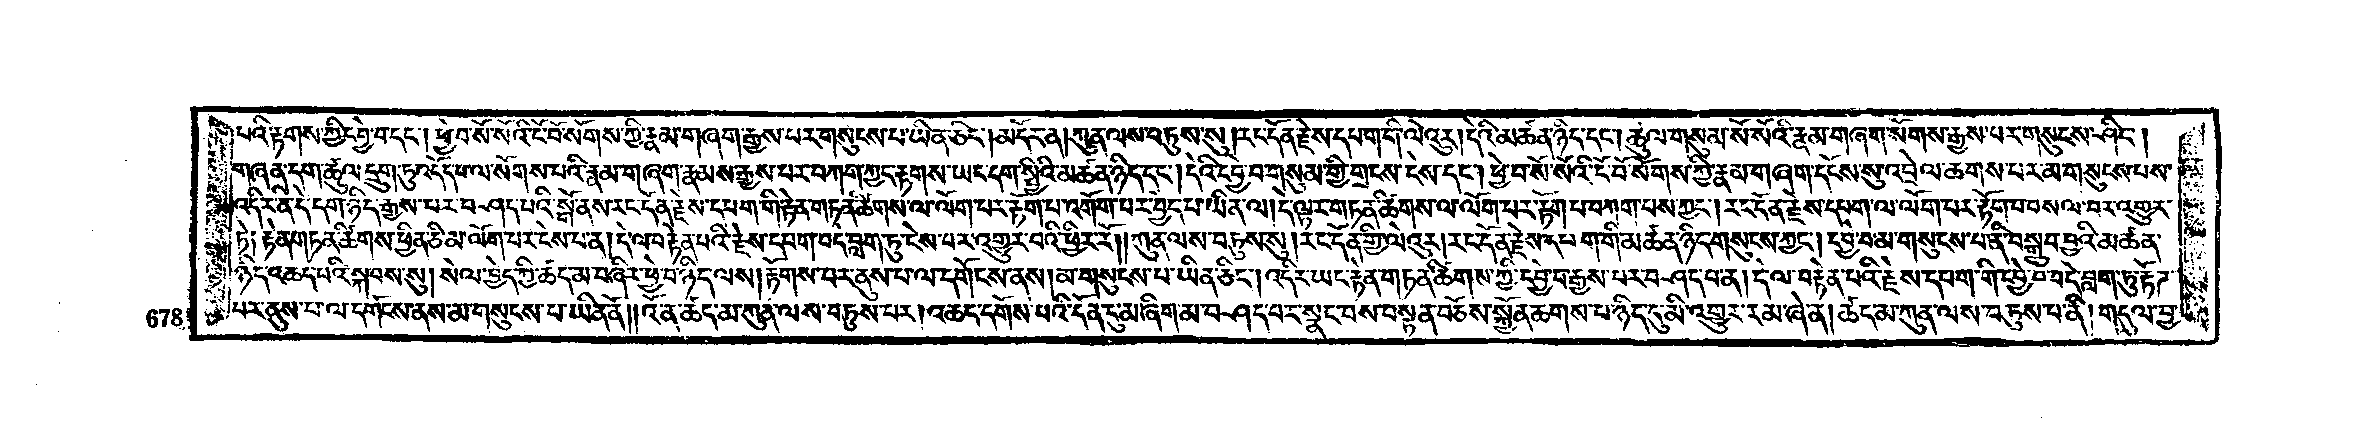པའི་རྟགས་ཀྱི་དབྱེ་བ་དང་། ཕྱེ་བ་སོ་སོའི་ངོ་བོ་སོགས་ཀྱི་རྣམ་གཞག་རྒྱས་པར་གསུངས་པ་ཡིན་ཅིང་། མདོར་ན། ཀུན་ལས་བཏུས་སུ། རང་དོན་རྗེས་དཔག་གི་ལེའུར། དེའི་མཚན་ཉིད་དང་། ཚུལ་གསུམ་སོ་སོའི་རྣམ་གཞག་སོགས་རྒྱས་པར་གསུངས་ཤིང་།
གཞན་དག་ཚུལ་དྲུག་ཏུ་འདོད་པ་ལ་སོགས་པའི་རྣམ་གཞག་རྣམས་རྒྱས་པར་བཀག་ཀྱང་རྟགས་ཡང་དག་སྤྱིའི་མཚན་ཉིད་དང་། དེའི་དབྱེ་བ་གསུམ་གྱི་གྲངས་ངེས་དང་། ཕྱེ་བ་སོ་སོའི་ངོ་བོ་སོགས་ཀྱི་རྣམ་གཞག་དངོས་སུ་འབྲེལ་ཆགས་པར་མ་གསུངས་པས་
འདིར་ནི་དེ་དག་ཉིད་རྒྱས་པར་བཤད་པའི་སྒོ་ནས་རང་དོན་རྗེས་དཔག་གི་རྟེན་གཏན་ཚིགས་ལ་ལོག་པར་རྟོག་པ་འགོག་པར་བྱེད་པ་ཡིན་ལ། དེ་ལྟར་གཏན་ཚིགས་ལ་ལོག་པར་རྟོག་པ་བཀག་པས་ཀྱང་། རང་དོན་རྗེས་དཔག་ལ་ལོག་པར་རྟོག་པ་བསལ་བར་འགྱུར་
ཏེ༑ རྟེན་གཏན་ཚིགས་ཕྱིན་ཅི་མ་ལོག་པར་ངེས་པ་ན། དེ་ལ་བརྟེན་པའི་རྗེས་དཔག་བདེ་བླག་ཏུ་ངེས་པར་འགྱུར་བའི་ཕྱིར་རོ། །ཀུན་ལས་བཏུས་སུ། རང་དོན་གྱི་ལེའུར། རང་དོན་རྗེས་དཔག་གི་མཚན་ཉིད་གསུངས་ཀྱང་། དབྱེ་བ་མ་གསུངས་པ་ནི་བསྒྲུབ་བྱའི་མཚན་
ཉིད་འཆད་པའི་སྐབས་སུ། སེལ་བྱེད་ཀྱི་ཚད་མ་བཞིར་ཕྱེ་བ་ཉིད་ལས། རྟོགས་པར་ནུས་པ་ལ་དགོངས་ནས། མ་གསུངས་པ་ཡིན་ཅིང་། འདིར་ཡང་རྟེན་གཏན་ཚིགས་ཀྱི་དབྱེ་བ་རྒྱས་པར་བཤད་པ་ན། དེ་ལ་བརྟེན་པའི་རྗེས་དཔག་གི་དབྱེ་བ་བདེ་བླག་ཏུ་རྟོགས་
པར་ནུས་པ་ལ་དགོངས་ནས་མ་གསུངས་པ་ཡིན་ནོ། །འོ་ན་ཚད་མ་ཀུན་ལས་བཏུས་པར། འཆད་དགོས་པའི་དོན་དུ་མ་ཞིག་མ་བཤད་པར་སྣང་བས་བསྟན་བཅོས་སྐྱོན་ཆགས་པ་ཉིད་དུ་མི་འགྱུར་རམ་ཞེ་ན། ཚད་མ་ཀུན་ལས་བཏུས་པ་ནི། གདུལ་བྱ་